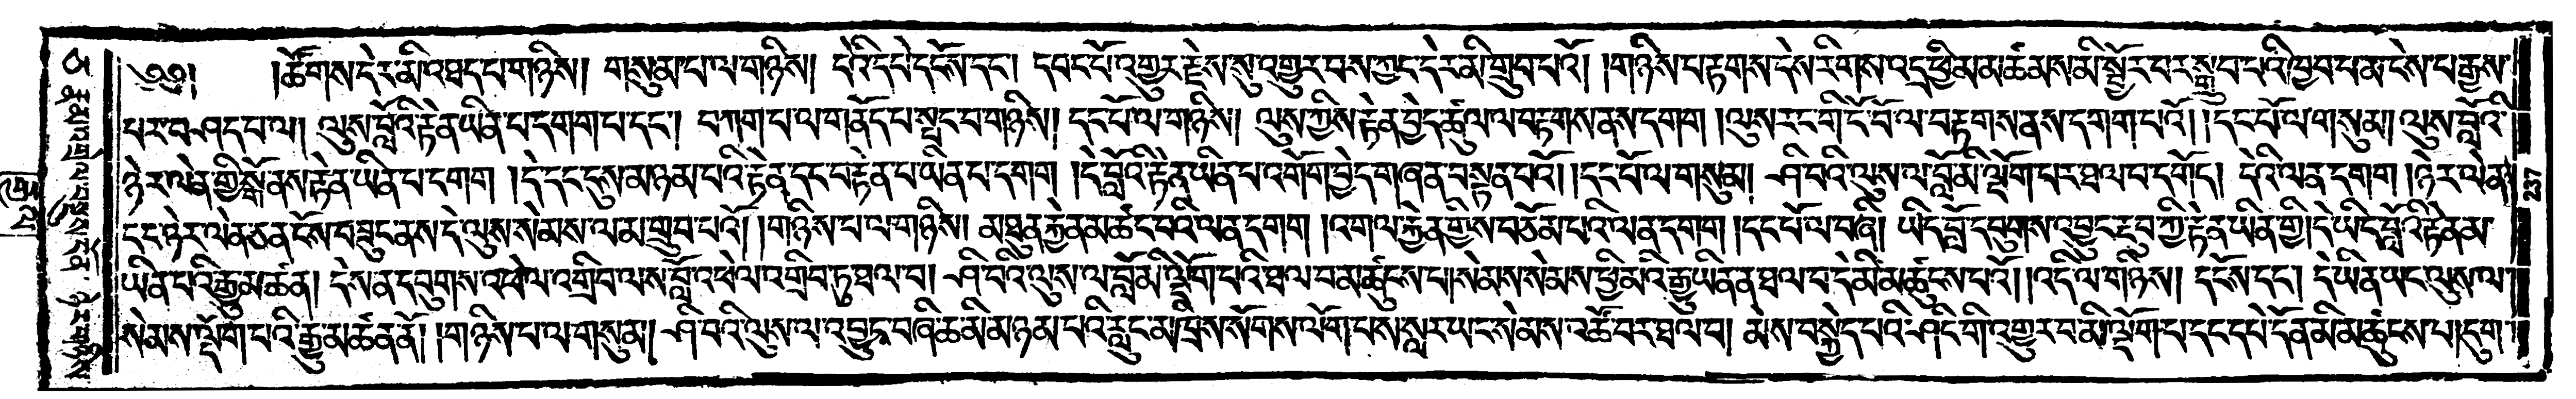༄༅། །ཚོགས་དེར་མི་འཐད་པ་གཉིས། གསུམ་པ་ལ་གཉིས། དེའི་དཔེ་དངོས་དང་། དབང་པོ་འགྱུར་རྗེས་སུ་འགྱུར་བས་ཀྱང་དེར་མི་གྲུབ་པའོ། །གཉིས་པ་རྟགས་དེས་རིགས་འདྲ་ཕྱི་མ་མཚམས་མི་སྦྱོར་བར་སྒྲུབ་པའི་ཁྱབ་པ་མ་ངེས་པ་རྒྱས་
པར་བཤད་པ་ལ། ལུས་བློའི་རྟེན་ཡིན་པ་དགག་པ་དང་། བཀག་པ་ལ་གནོད་པ་སྤང་པ་གཉིས། དང་པོ་ལ་གཉིས། ལུས་ཀྱིས་རྟེན་བྱེད་ཚུལ་ལ་བརྟགས་ནས་དགག །ལུས་རང་གི་ངོ་བོ་ལ་བརྟགས་ནས་དགག་པའོ། །དང་པོ་ལ་གསུམ། ལུས་བློའི་
ཉེར་ལེན་གྱི་སྒོ་ནས་རྟེན་ཡིན་པ་དགག །དེ་དང་དུས་མཉམ་པའི་རྟེན་དང་བརྟེན་པ་ཡིན་པ་དགག །དེ་བློའི་རྟེན་ཡིན་པ་འགོག་བྱེད་གཞན་བསྟན་པའོ། །དང་པོ་ལ་གསུམ། ཤི་བའི་ལུས་ལ་བློ་མི་ལྡོག་པར་ཐལ་བ་དགོད། དེའི་ལན་དགག །ཉེར་ལེན་
དང་ཉེར་ལེན་ཅན་ངོས་བཟུང་ནས་དེ་ལུས་སེམས་ལ་མ་གྲུབ་པའོ། །གཉིས་པ་ལ་གཉིས། མཐུན་རྐྱེན་མ་ཚང་བའི་ལན་དགག །འགལ་རྐྱེན་གྱིས་བཅོམ་པའི་ལན་དགག །དང་པོ་ལ་བཞི། ཡིད་བློ་དབུགས་འབྱུང་རྔུབ་ཀྱི་རྟེན་ཡིན་གྱི། དེ་ཡིད་བློའི་རྟེན་མ་
ཡིན་པའི་རྒྱུ་མཚན། དེས་ན་དབུགས་འཕེལ་འགྲིབ་ལས་བློ་འཕེལ་འགྲིབ་ཏུ་ཐལ་བ། ཤི་བའི་ལུས་ལ་བློ་མི་ལྡོག་པའི་ཐལ་བ་མཚུངས་པ། སེམས་སེམས་ཕྱི་མའི་རྒྱུ་ཡིན་ན་ཐལ་བ་དེ་མི་མཚུངས་པའོ། །འདི་ལ་གཉིས། དངོས་དང་། དེ་ཡིན་ཡང་ལུས་ལ་
སེམས་ལྡོག་པའི་རྒྱུ་མཚན་ནོ། །གཉིས་པ་ལ་གསུམ། ཤི་བའི་ལུས་ལ་འབྱུང་བཞི་ཆ་མི་མཉམ་པའི་རླུང་མཁྲིས་སོགས་ལོག་པས་སླར་ཡང་སེམས་འཚོ་བར་ཐལ་བ། མེས་བསྐྱེད་པའི་ཤིང་གི་འགྱུར་བ་མི་ལྡོག་པ་དང་དཔེ་དོན་མི་མཚུངས་པ། དུག་